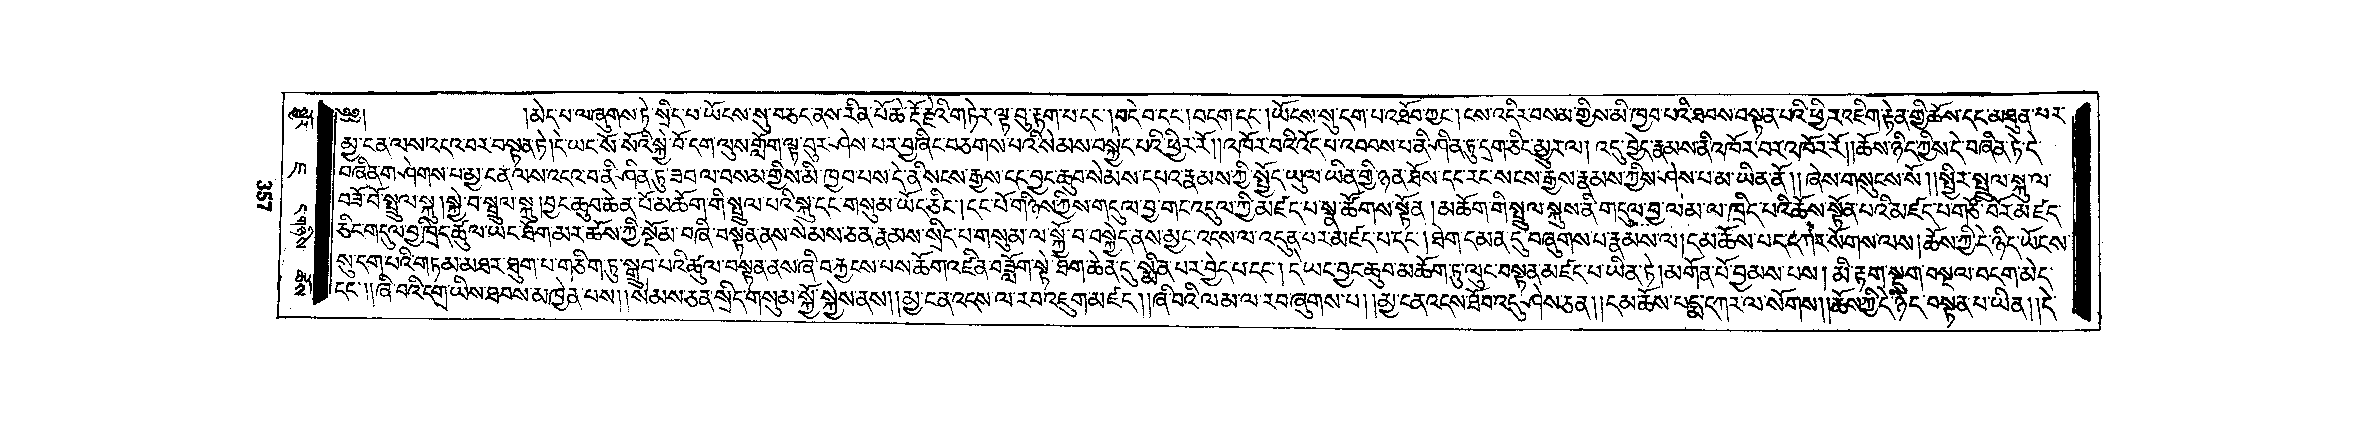༄༅། །མེད་པ་ལ་ཞུགས་ཏེ་སྲིད་པ་ཡོངས་སུ་བཅད་ནས་རིན་པོ་ཆེ་རྡོ་རྗེའི་གཏེར་ལྟ་བུ་རྟག་པ་དང་། བདེ་བ་དང་། བདག་དང་། ཡོངས་སུ་དག་པ་འཐོབ་ཀྱང་། ངས་འདིར་བསམ་གྱིས་མི་ཁྱབ་པའི་ཐབས་བསྟན་པའི་ཕྱིར་འཇིག་རྟེན་གྱི་ཆོས་དང་མཐུན་པར་
མྱ་ངན་ལས་འདའ་བར་བསྟན་ཏེ། དེ་ཡང་སོ་སོའི་སྐྱེ་བོ་དག་ལུས་གློག་ལྟ་བུར་ཤེས་པར་བྱ་ཞིང་བཅགས་པའི་སེམས་བསྐྱེད་པའི་ཕྱིར་རོ། །འཁོར་བའི་འོད་པ་འབབས་པ་ནི་ཤིན་ཏུ་དྲག་ཅིང་མྱུར་ལ། འདུ་བྱེད་རྣམས་ནི་འཁོར་བར་འཁོར་རོ། །ཆོས་ཉིད་ཀྱིས་དེ་བཞིན་ཏེ་དེ་
བཞིན་གཤེགས་པ་མྱ་ངན་ལས་འདའ་བ་ནི་ཤིན་ཏུ་ཟབ་ལ་བསམ་གྱིས་མི་ཁྱབ་པས་དེ་ནི་སངས་རྒྱས་དང་བྱང་ཆུབ་སེམས་དཔའ་རྣམས་ཀྱི་སྤྱོད་ཡུལ་ཡིན་གྱི་ཉན་ཐོས་དང་རང་སངས་རྒྱས་རྣམས་ཀྱིས་ཤེས་པ་མ་ཡིན་ནོ། །ཞེས་གསུངས་སོ། །སྤྱིར་སྤྲུལ་སྐུ་ལ་
བཟོ་བོ་སྤྲུལ་སྐུ། སྐྱེ་བ་སྤྲུལ་སྐུ། བྱང་ཆུབ་ཆེན་པོ་མཆོག་གི་སྤྲུལ་པའི་སྐུ་དང་གསུམ་ཡོད་ཅིང་། དང་པོ་གཉིས་ཀྱིས་གདུལ་བྱ་གང་འདུལ་ཀྱི་མཛད་པ་སྣ་ཚོགས་སྟོན། མཆོག་གི་སྤྲུལ་སྐུས་ནི་གདུལ་བྱ་ལམ་ལ་ཁྲིད་པའི་ཆོས་སྟོན་པའི་མཛད་པ་གཙོ་བོར་མཛད་
ཅིང་གདུལ་བྱ་ཁྲིད་ཚུལ་ཡང་ཐོག་མར་ཆོས་ཀྱི་སྡོམ་བཞི་བསྟན་ནས་སེམས་ཅན་རྣམས་སྲིད་པ་གསུམ་ལ་སྐྱོ་བ་བསྐྱེད་ནས་མྱང་འདས་ལ་འདུན་པར་མཛད་པ་དང་། ཐེག་དམན་དུ་བཞུགས་པ་རྣམས་ལ། དམ་ཆོས་པད་དཀར་སོགས་ལས། ཆོས་ཀྱི་དེ་ཉིད་ཡོངས་
སུ་དག་པའི་གཏམ་མཐར་ཐུག་པ་གཅིག་ཏུ་སྒྲུབ་པའི་ཚུལ་བསྟན་ནས་ཞི་བརྐྱངས་པས་ཆོག་འཛིན་བཟློག་སྟེ་ཐེག་ཆེན་དུ་སྨིན་པར་བྱེད་པ་དང་། དེ་ཡང་བྱང་ཆུབ་མཆོག་ཏུ་ལུང་བསྟན་མཛད་པ་ཡིན་ཏེ། མགོན་པོ་བྱམས་པས། མི་རྟག་སྡུག་བསྔལ་བདག་མེད་
དང་། །ཞི་བའི་དགྲ་ཡིས་ཐབས་མཁྱེན་པས། །སེམས་ཅན་སྲིད་གསུམ་སྐྱོ་སྐྱེས་ནས། །མྱ་ངན་འདས་ལ་རབ་འཇུག་མཛད། །ཞི་བའི་ལམ་ལ་རབ་ཞུགས་པ། །མྱ་ངན་འདས་ཐོབ་འདུ་ཤེས་ཅན། །དམ་ཆོས་པདམ་དཀར་ལ་སོགས། །ཆོས་ཀྱི་དེ་ཉིད་བསྟན་པ་ཡིན། །དེ་